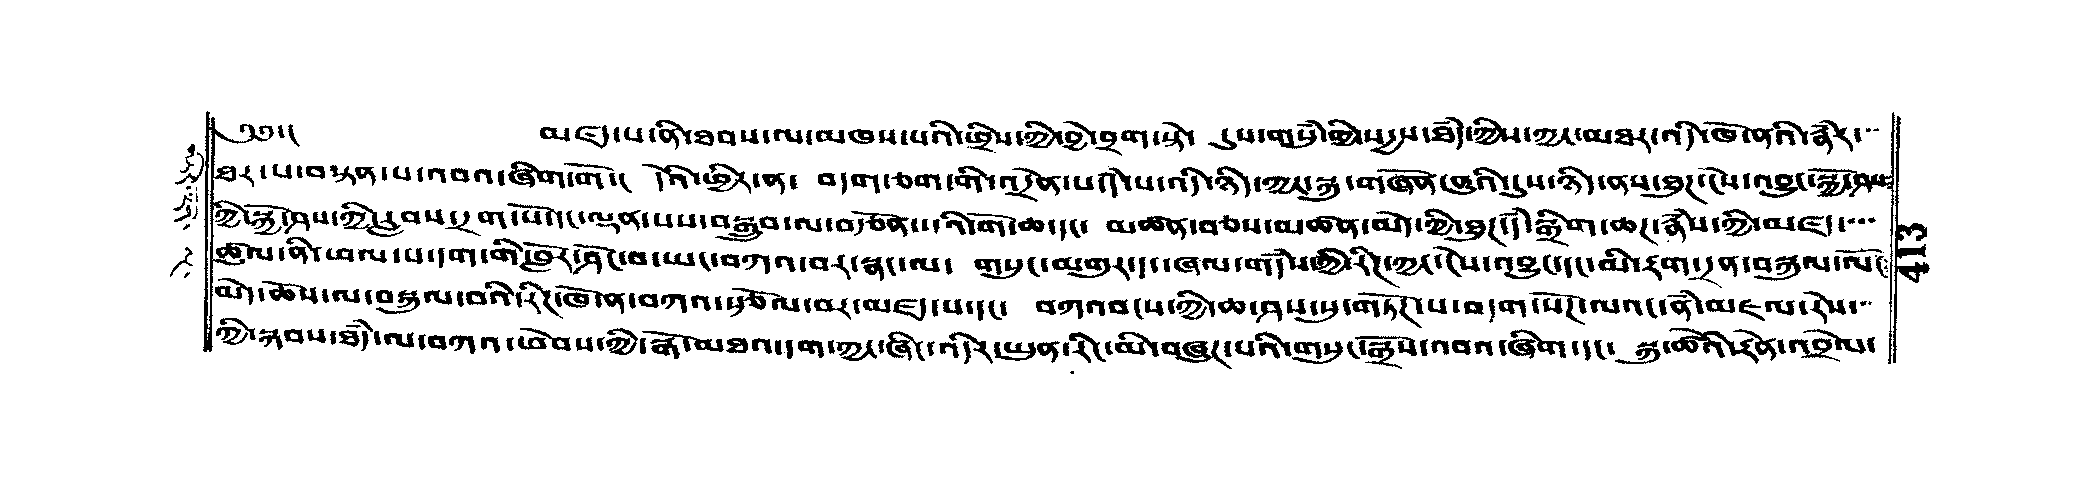མཛད་པ་ནི་ཐབས་ལ་མཁས་པའི་ཕྲིན་ལས་ཀྱི་བྱེ་བྲག་སྟེ། དུས་གསུམ་གྱི་སངས་རྒྱས་ཐམས་ཅད་ཀྱིས་ཀྱང་མཐར་འདི་ཁོ་ནའི་རྣམ་པར་
ཐར་པ་བསྟན་པ་འབའ་ཞིག་གོ དེའི་ཕྱིར་ན། བདག་ཅག་གི་འདྲེན་པ་དམ་པ་འདི་ཉིད་ཀྱང་སྐུ་གཞོན་ནུའི་དུས་ཉིད་ནས་ཐུགས་ངེས་འབྱུང་སྐྱོ་ཤས་
ཀྱི་རླབས་དྲག་པོ་དང་ལྡན་པས་བསྒྲུབ་ལ་བརྩོན་པའི་གོ་ཆ་དང་། མཚན་བཅས་མཚན་མེད་ཀྱི་ཐུགས་དམ་སྒྲིག་ཆགས་རྣམས་ཀྱི་མཛད་
ཚུལ་ནི་ཕལ་པ་དག་གི་བློར་ཤོང་བ་ཡང་བཀའ་བར་སྣང་ལ། གསུང་མགུར་དང་ཞལ་གདམས་ཀྱི་རིགས་ཀྱང་ངེས་འབྱུང་དང་མི་རྟག་དྲན་བསྐུལ་ལོང་
མེད་ཆོས་ལ་བསྐུལ་བའི་རིགས་ཁོ་ན་བཀའ་སྩོལ་བར་མཛད་པ་དང་། བཀའ་འབངས་ཀྱི་ཆ་ཤས་སུ་གཏོགས་པ་བདག་སོགས་ལའང་ནམ་མཇལ་རེས་
ཀྱི་སྐབས་ཐམས་ཅད་ལ་བཀའ་ཕེབས་ཀྱི་སྒོ་མཐའ་དག་ཀྱང་ཞིང་འདིར་ཡུན་རིང་མི་བཞུགས་པའི་གསུང་སྒྲོས་འབའ་ཞིག་དང་། སྐུ་ཚེའི་རྟེན་འབྲེལ་